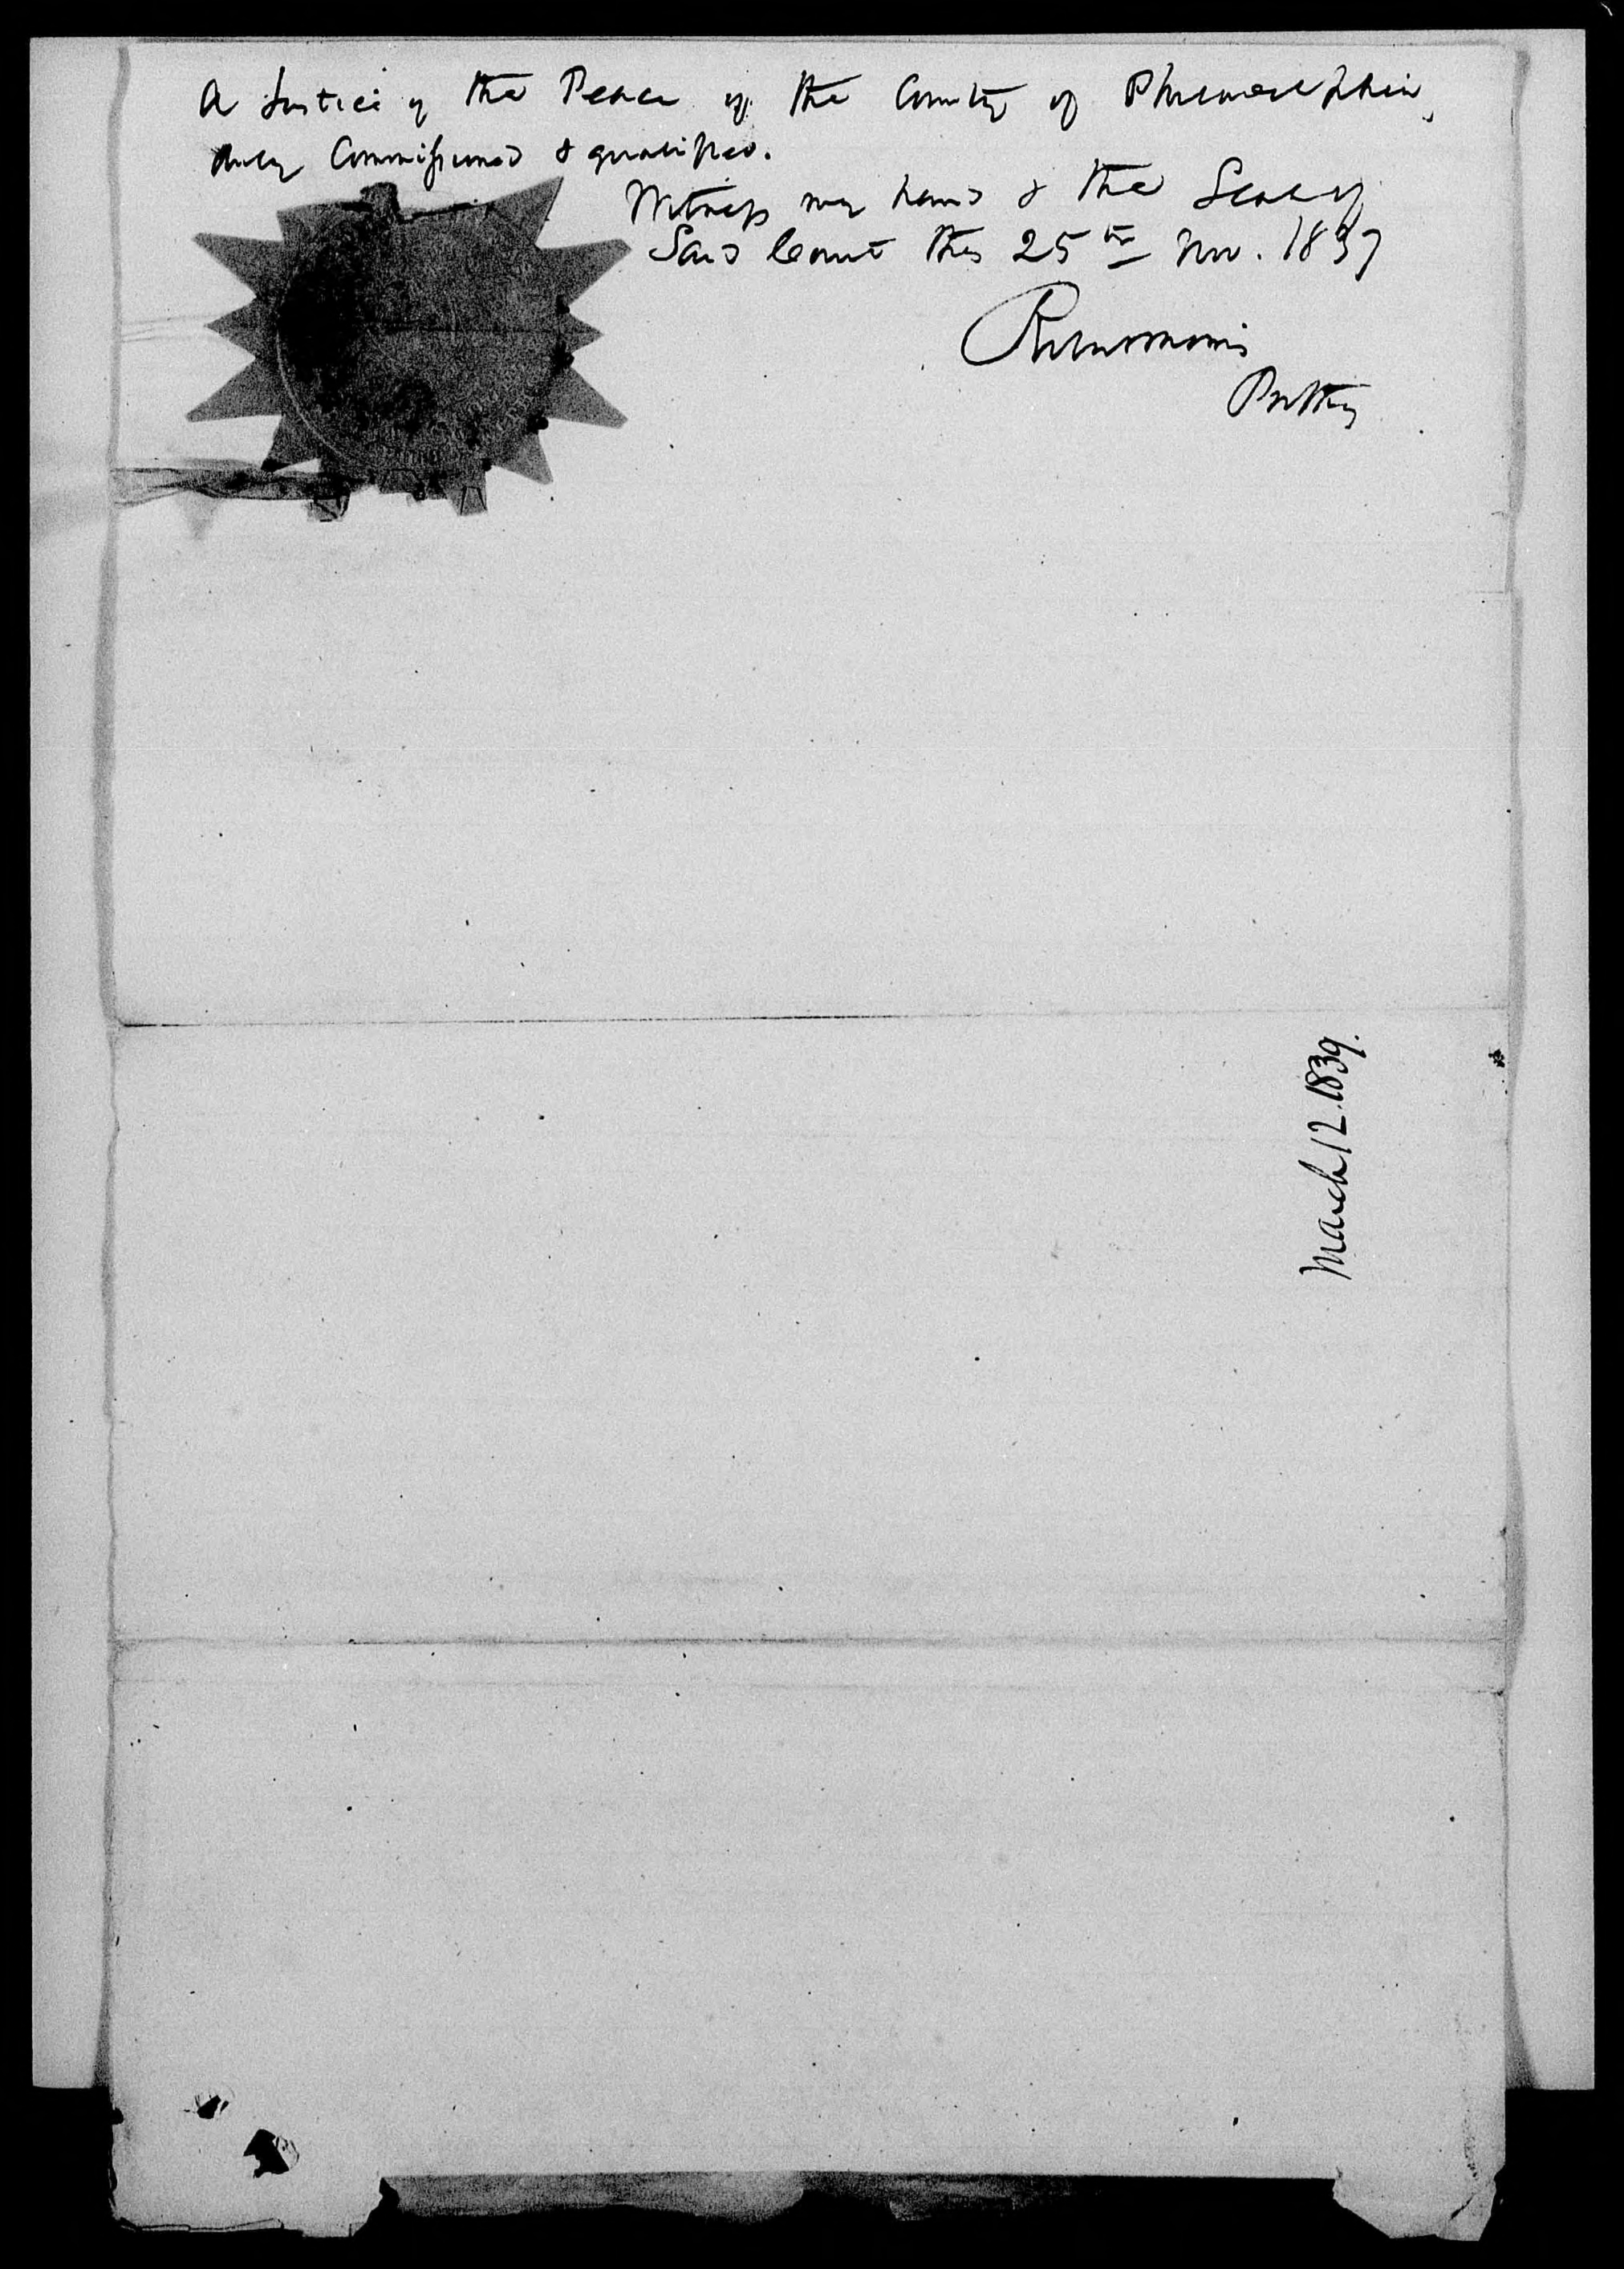a Justice of the Peace of the County of Philadelphia [illegible] commissioned and qualified.

Witness my hand & the Seal of said County the 25th Nov. 1837

Robert Morris
Prothy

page: 43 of 86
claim: widow's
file: W. 3571, for David Marshall, Pennsylvania